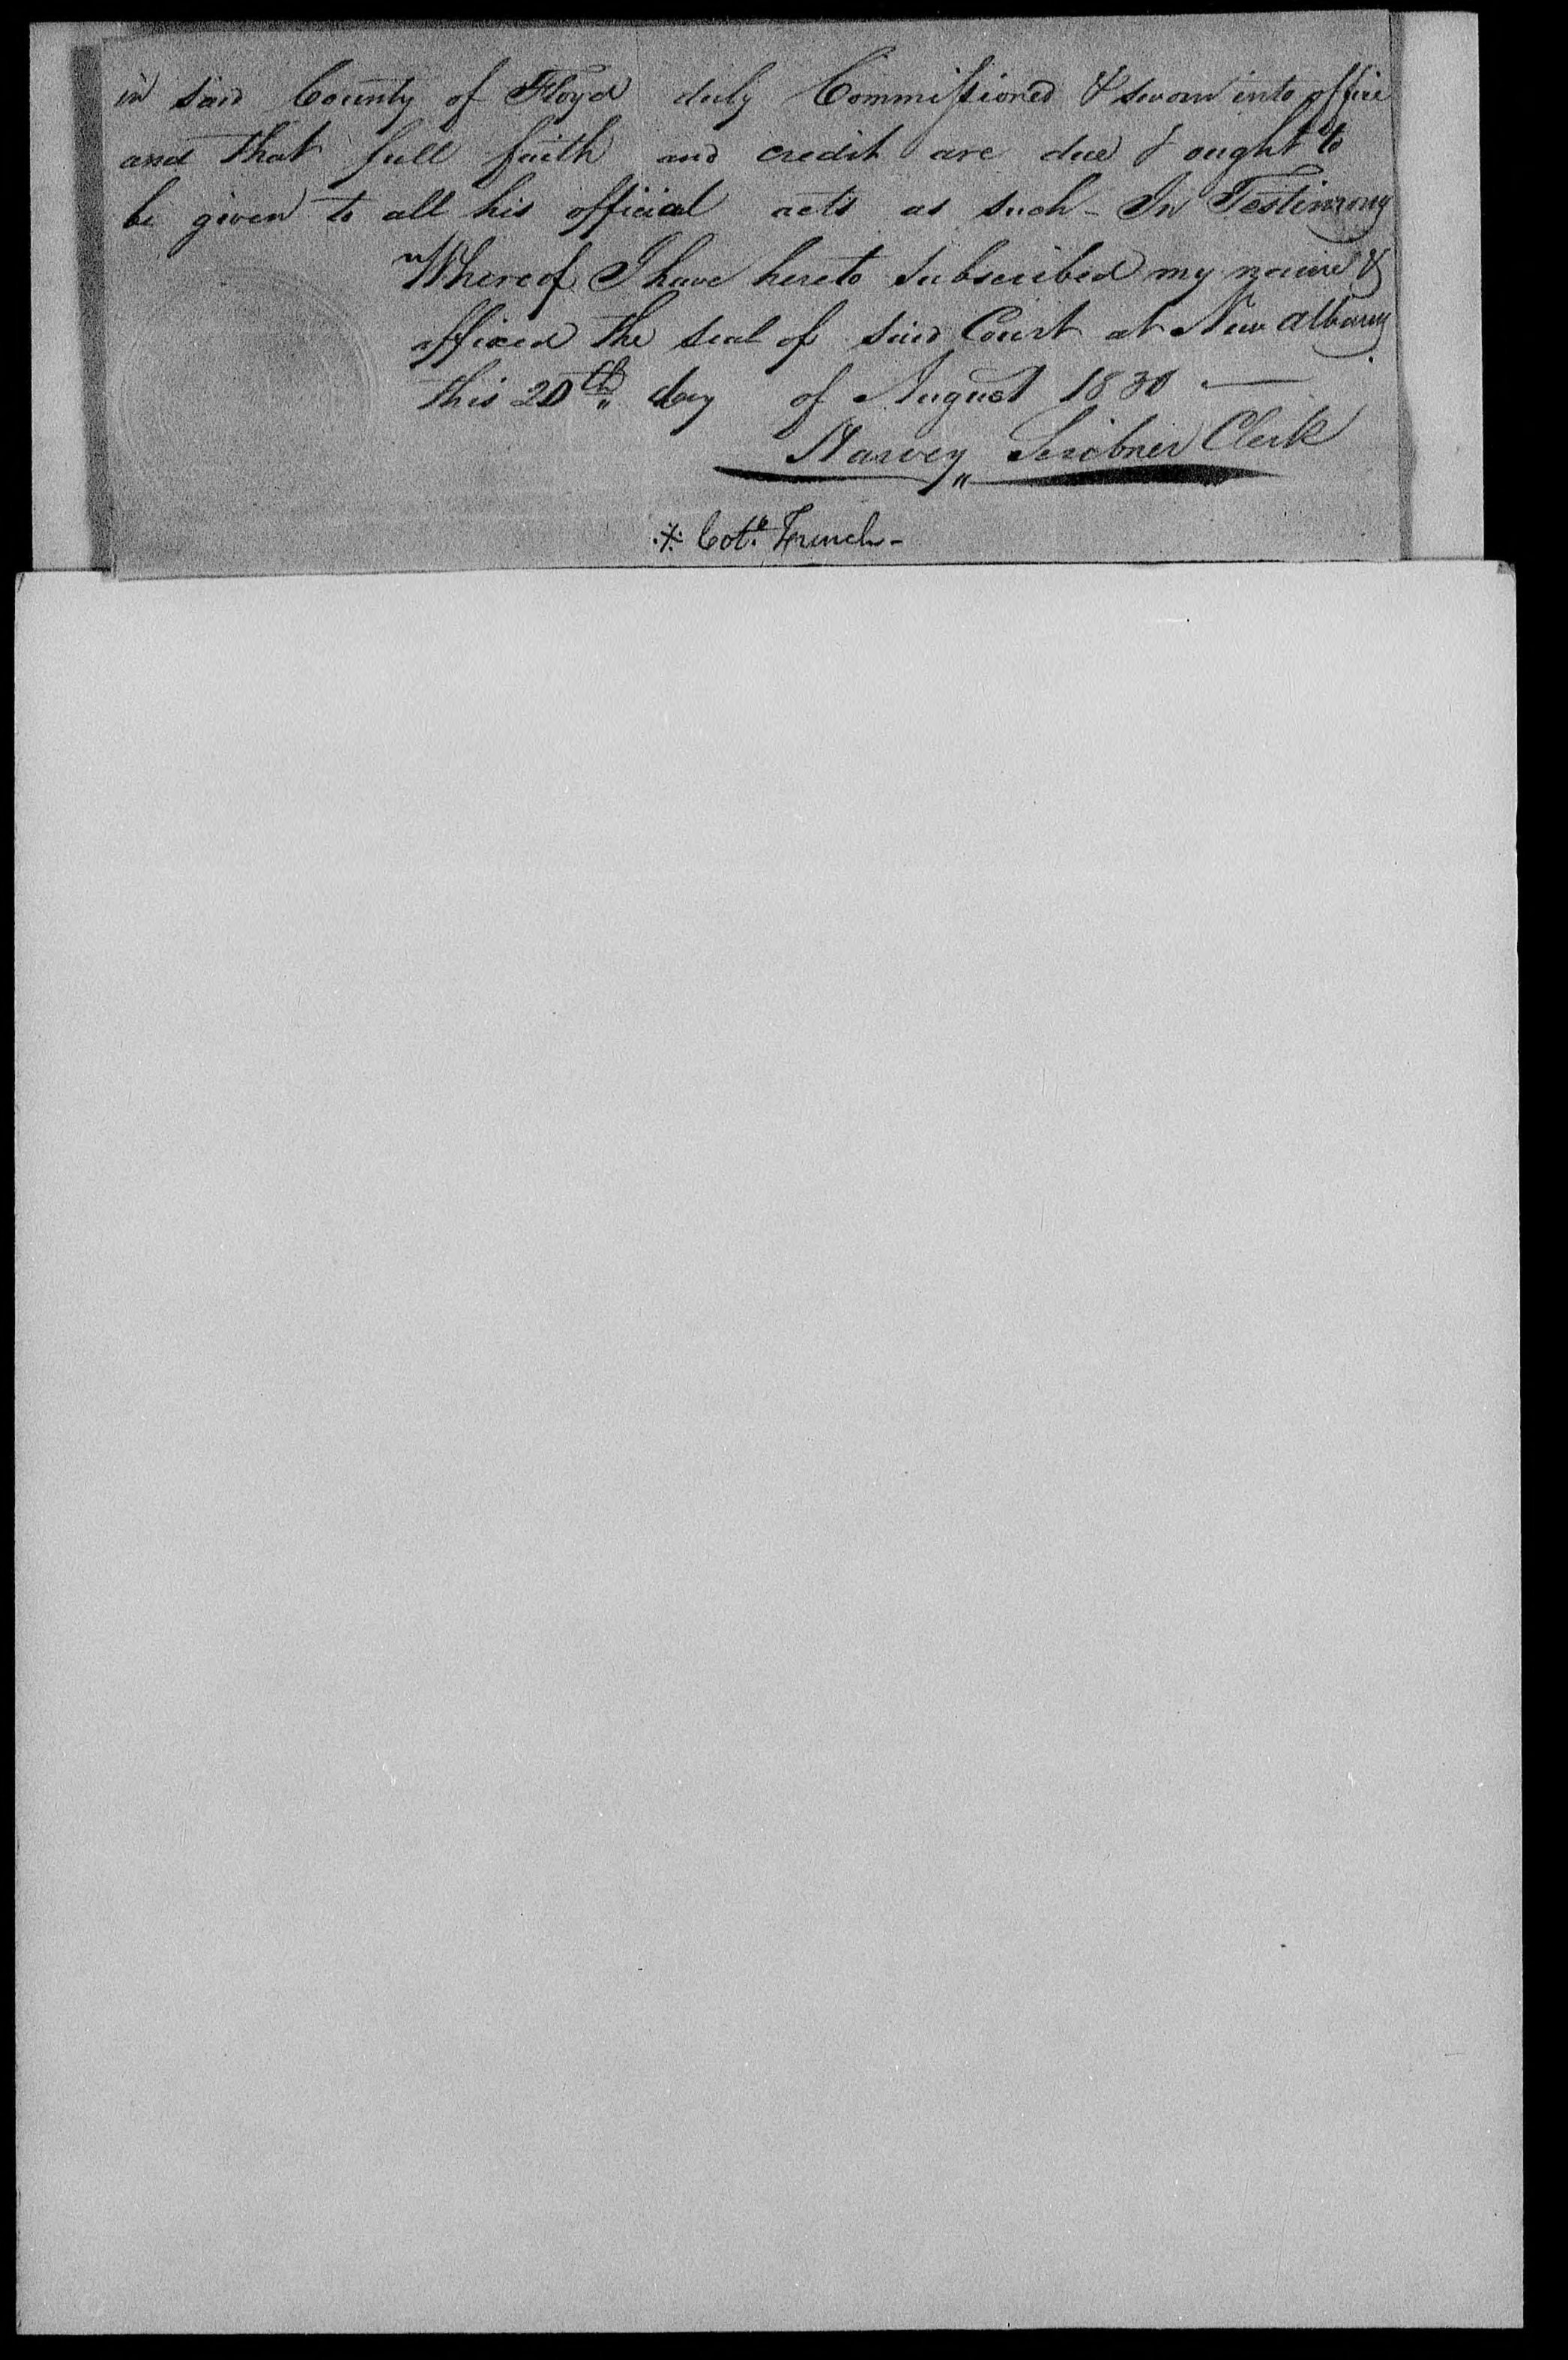in said County of Floyd duly Commissioned & sworn into office
and that
full faith
credit are due & ought to be
given to all his official
acts as such In Testimony
Whereof I have hereto subscribed my name &
affixed the seal of said Court at New Albany
this 20th day
of August 1830
Harvey Scribner Clerk
be
[ x with dots around it - hand drawn] 
Cotb. French-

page: 41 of 62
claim: widow's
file: W. 765, for Richard L Jones, Connecticut